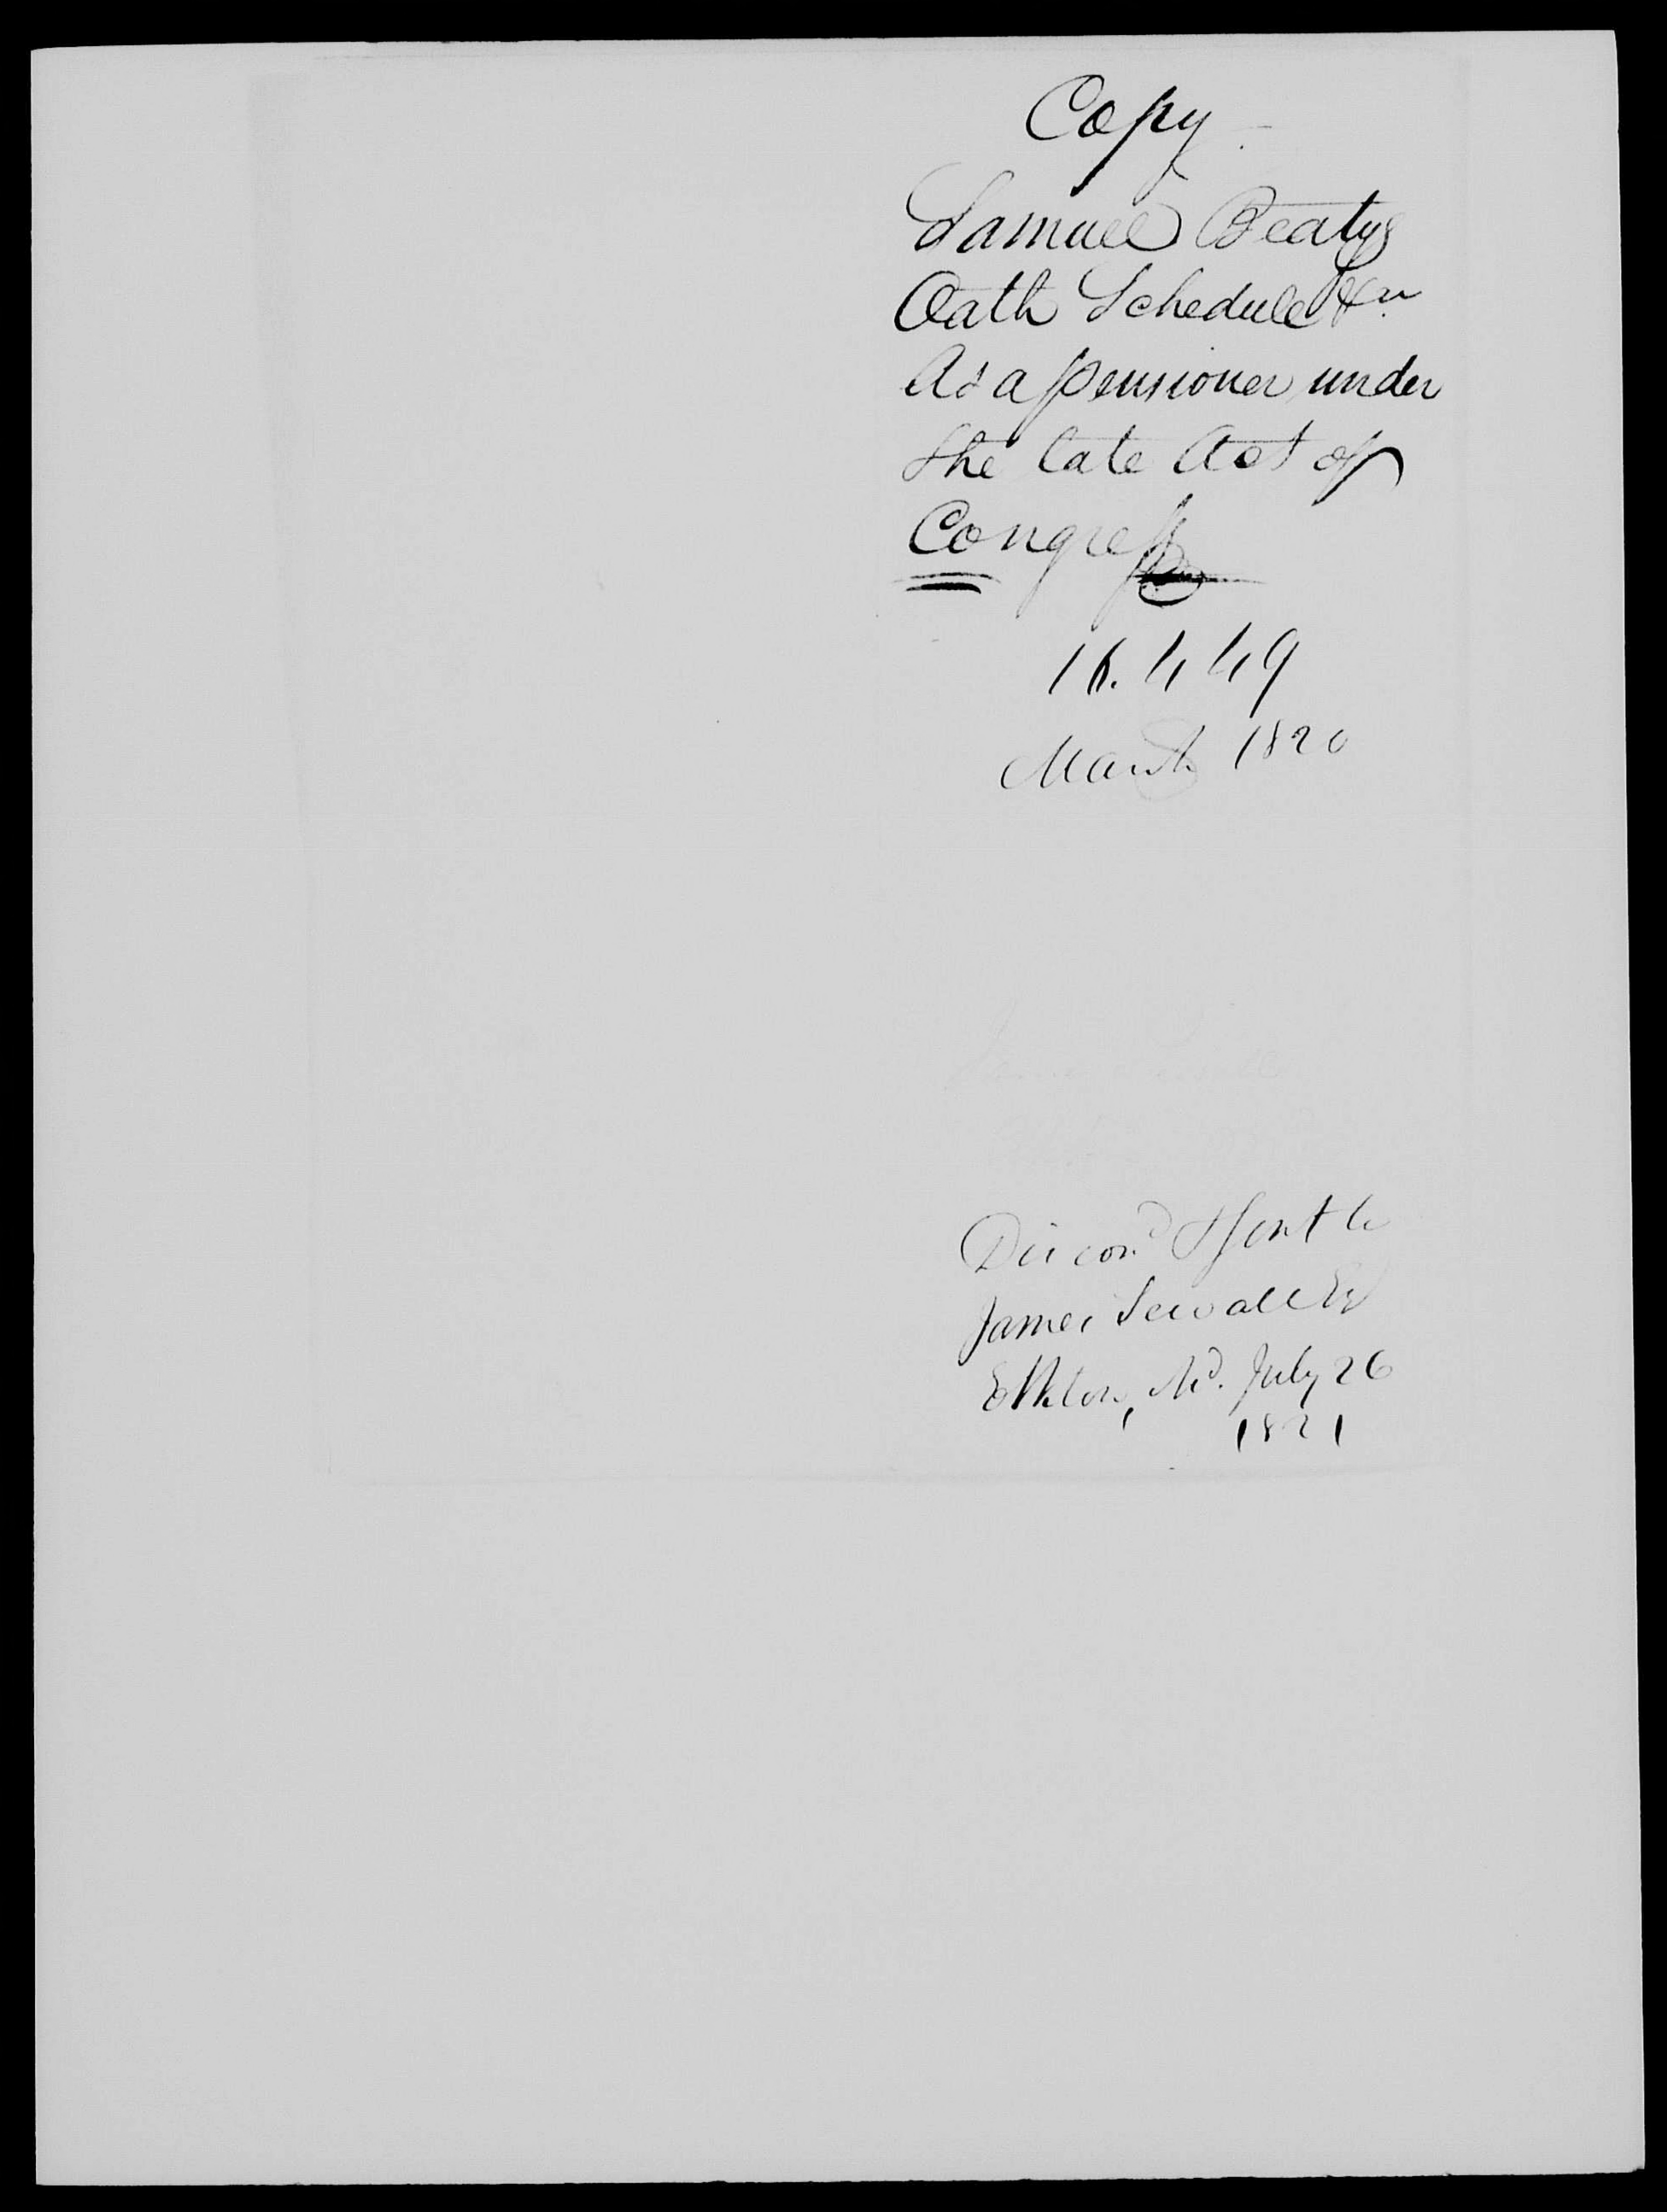Copy
Samuel Beaty
Oath schedule 
As a pensioner under
the late Act of 
Congress
16.449
March 1820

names: Samuel Beaty, James Sewall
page: 6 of 31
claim: survivor's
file: S. 34646, Samuel Beaty, Penn.